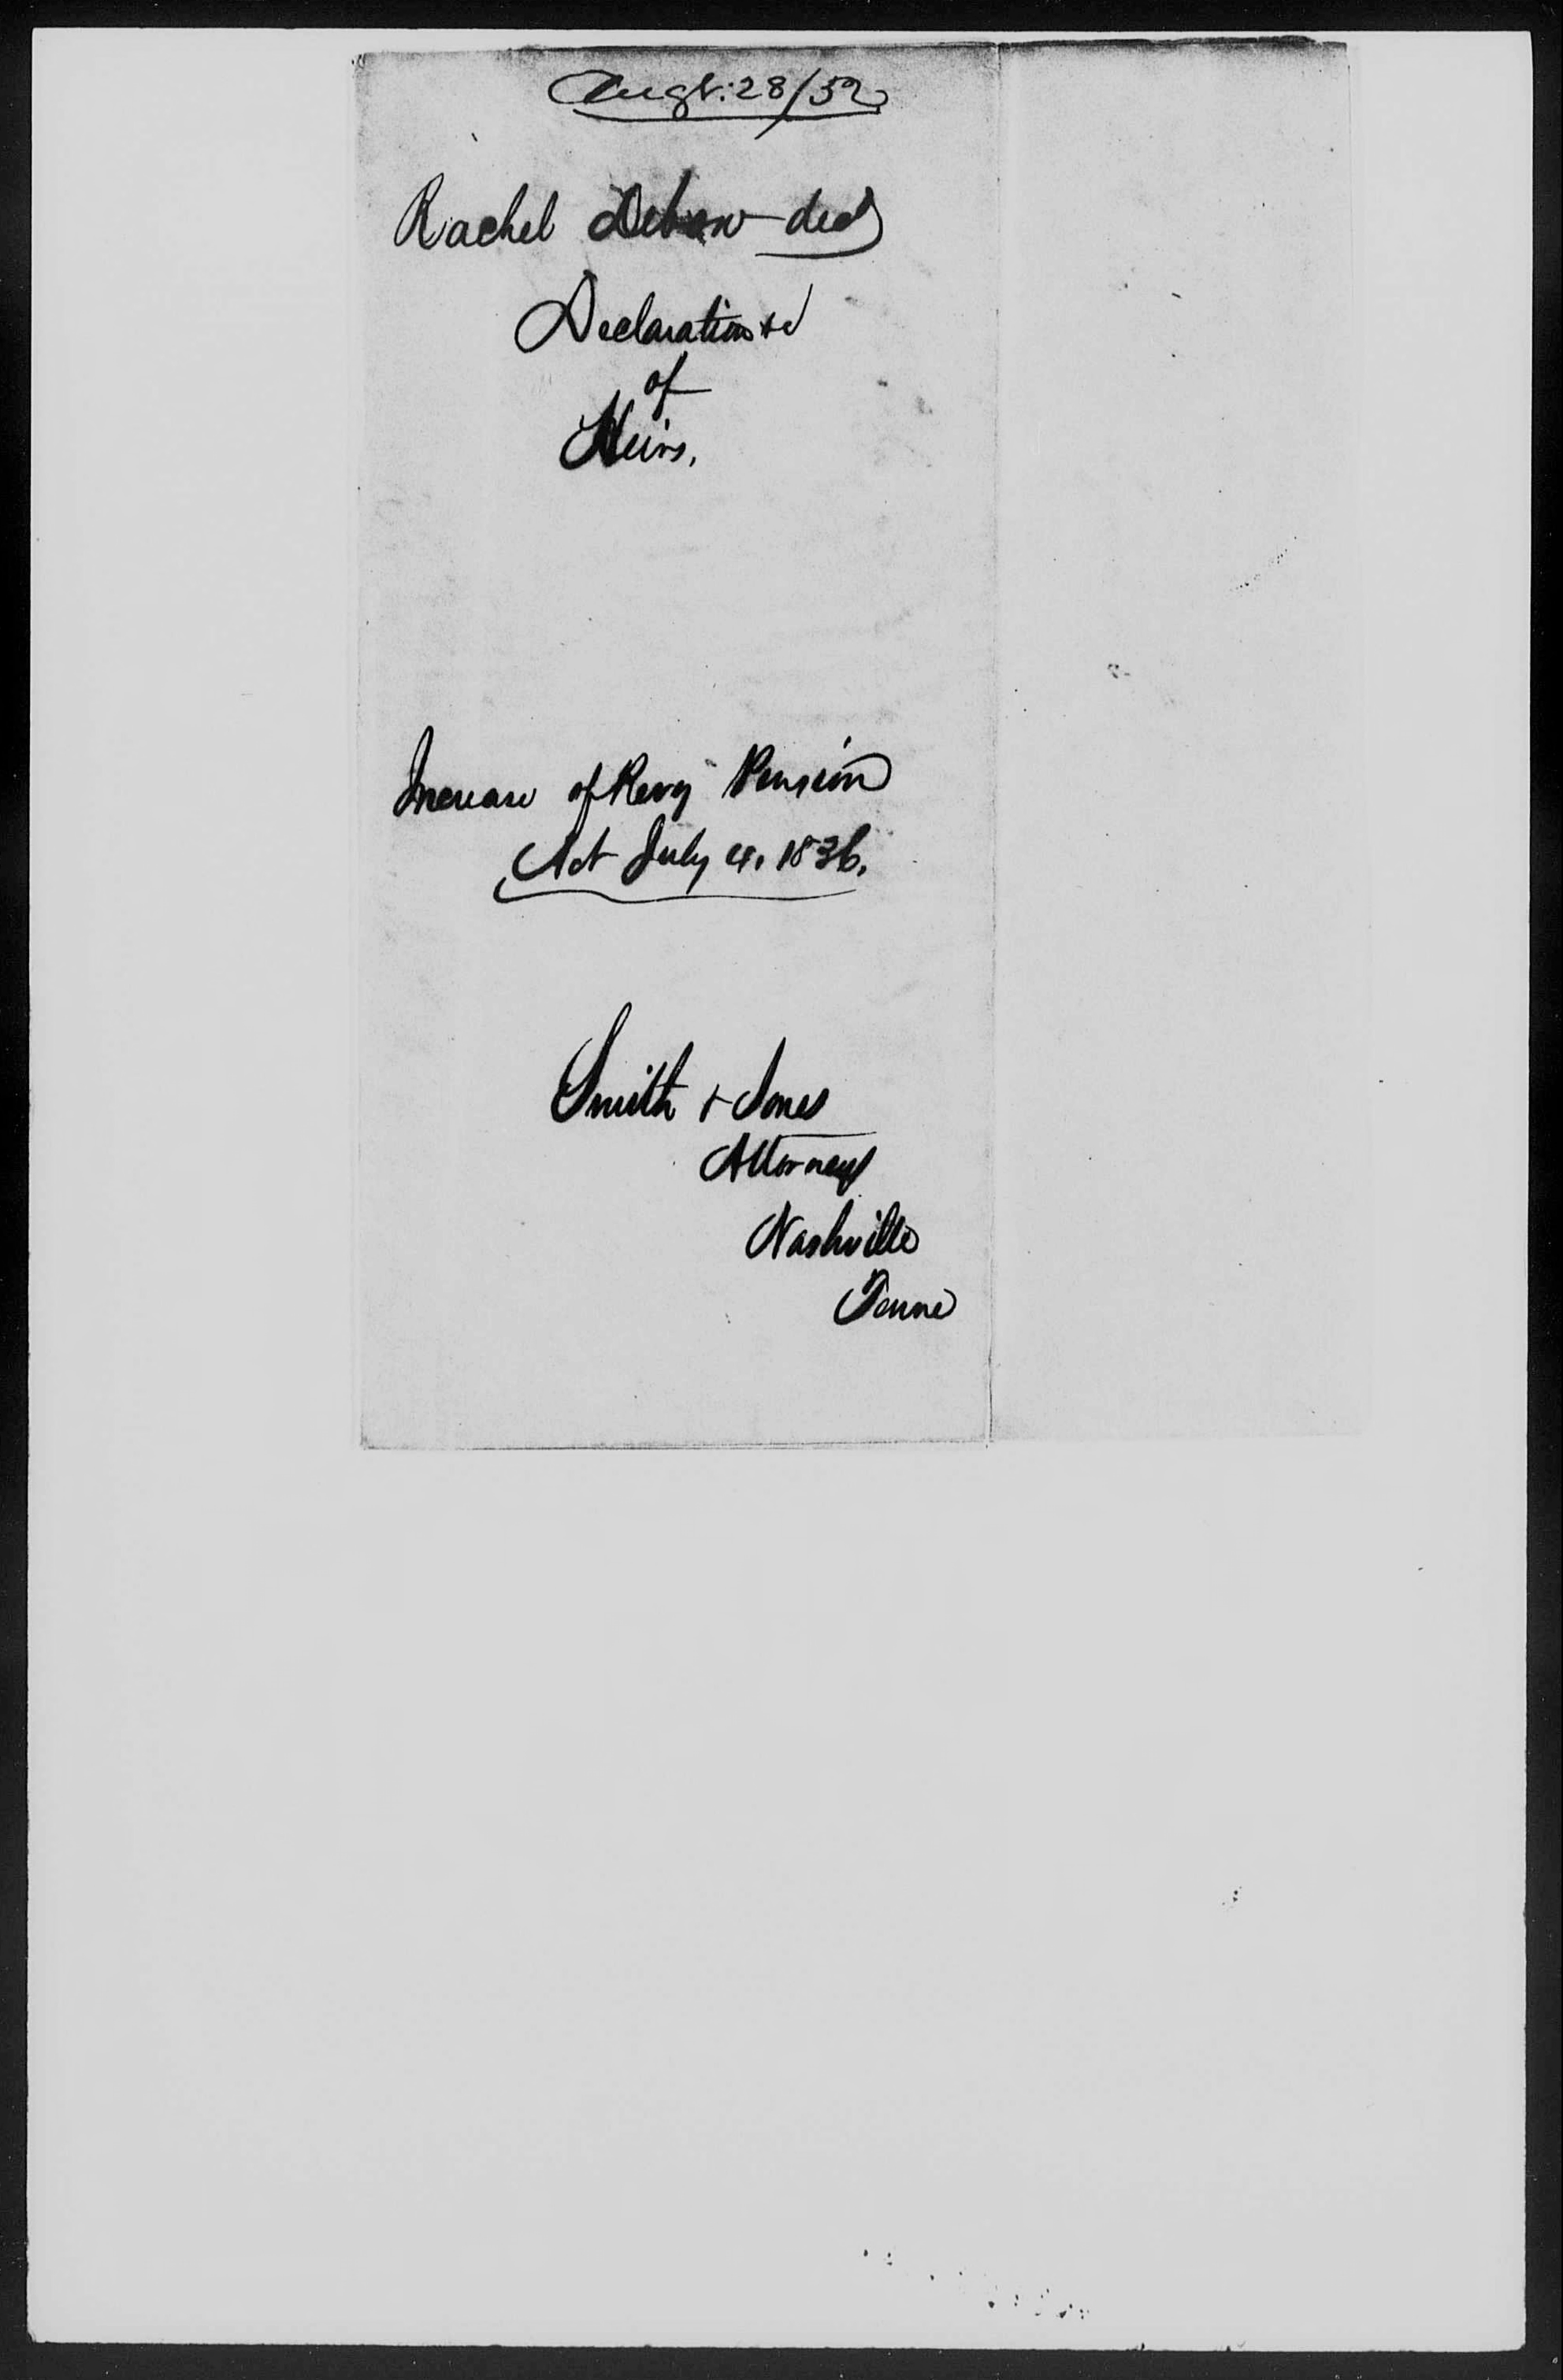August 28/52
Rachel Debow deceased
Declaration 
Of Heirs.


Increase of Revolution Pension
Act July 4, 1836

Smith & Jones

Nashville
Tenne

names: Smith, Rachel Debow, Jones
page: 7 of 62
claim: widow's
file: W 7005, Frederick Debow, N.C.